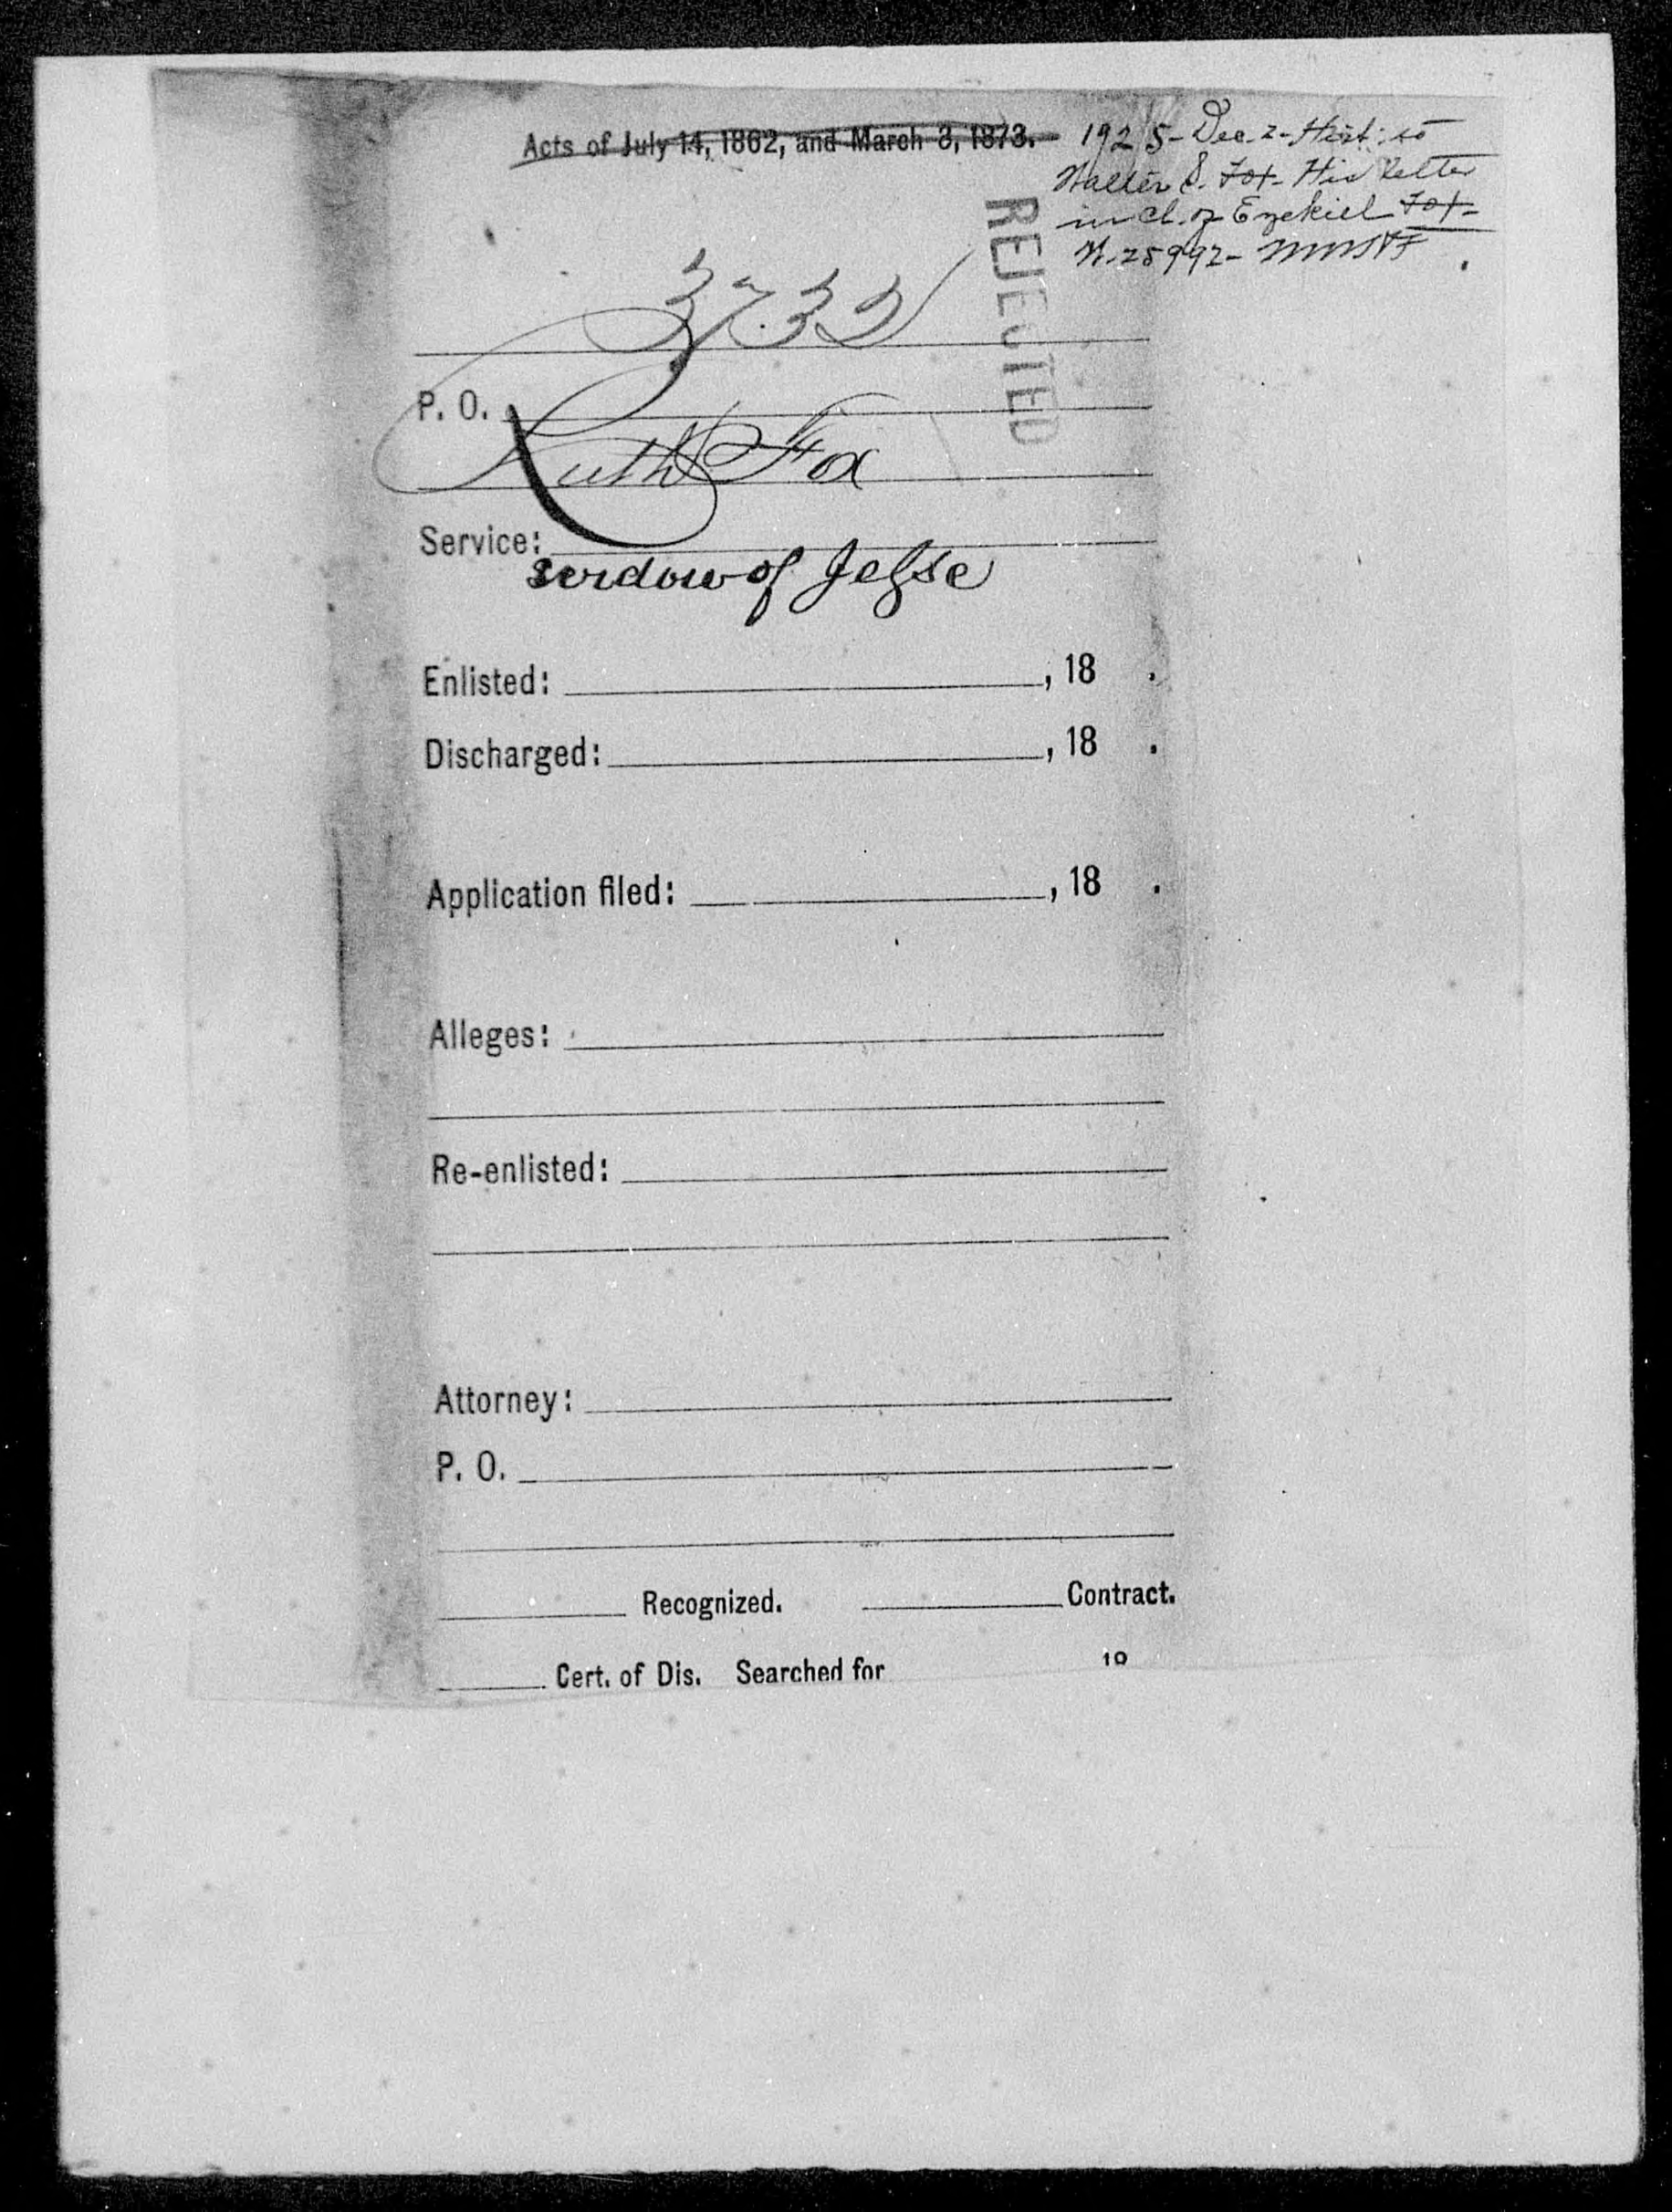1925 Dec 2- Hist to Walter S. Fox- His letter incl. of Ezekiel Fox- N. 25992-MMHF

Rejected

3733
P.O.
Ruth Fox
Service: widow of Jesse
Enlisted:                      , 18
Discharged:                , 18

Application filed:                         , 18
Alleges:

Re-enlisted:

Attorney:
P.O.

           Recognized.                Contract.
           Cert. of Dis. Searched for                 18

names: Ruth Fox, Walter S Fox, Jesse Fox, Ezekiel Fox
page: 41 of 53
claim: rejected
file: R. 3732, Jesse Fox, Conn.